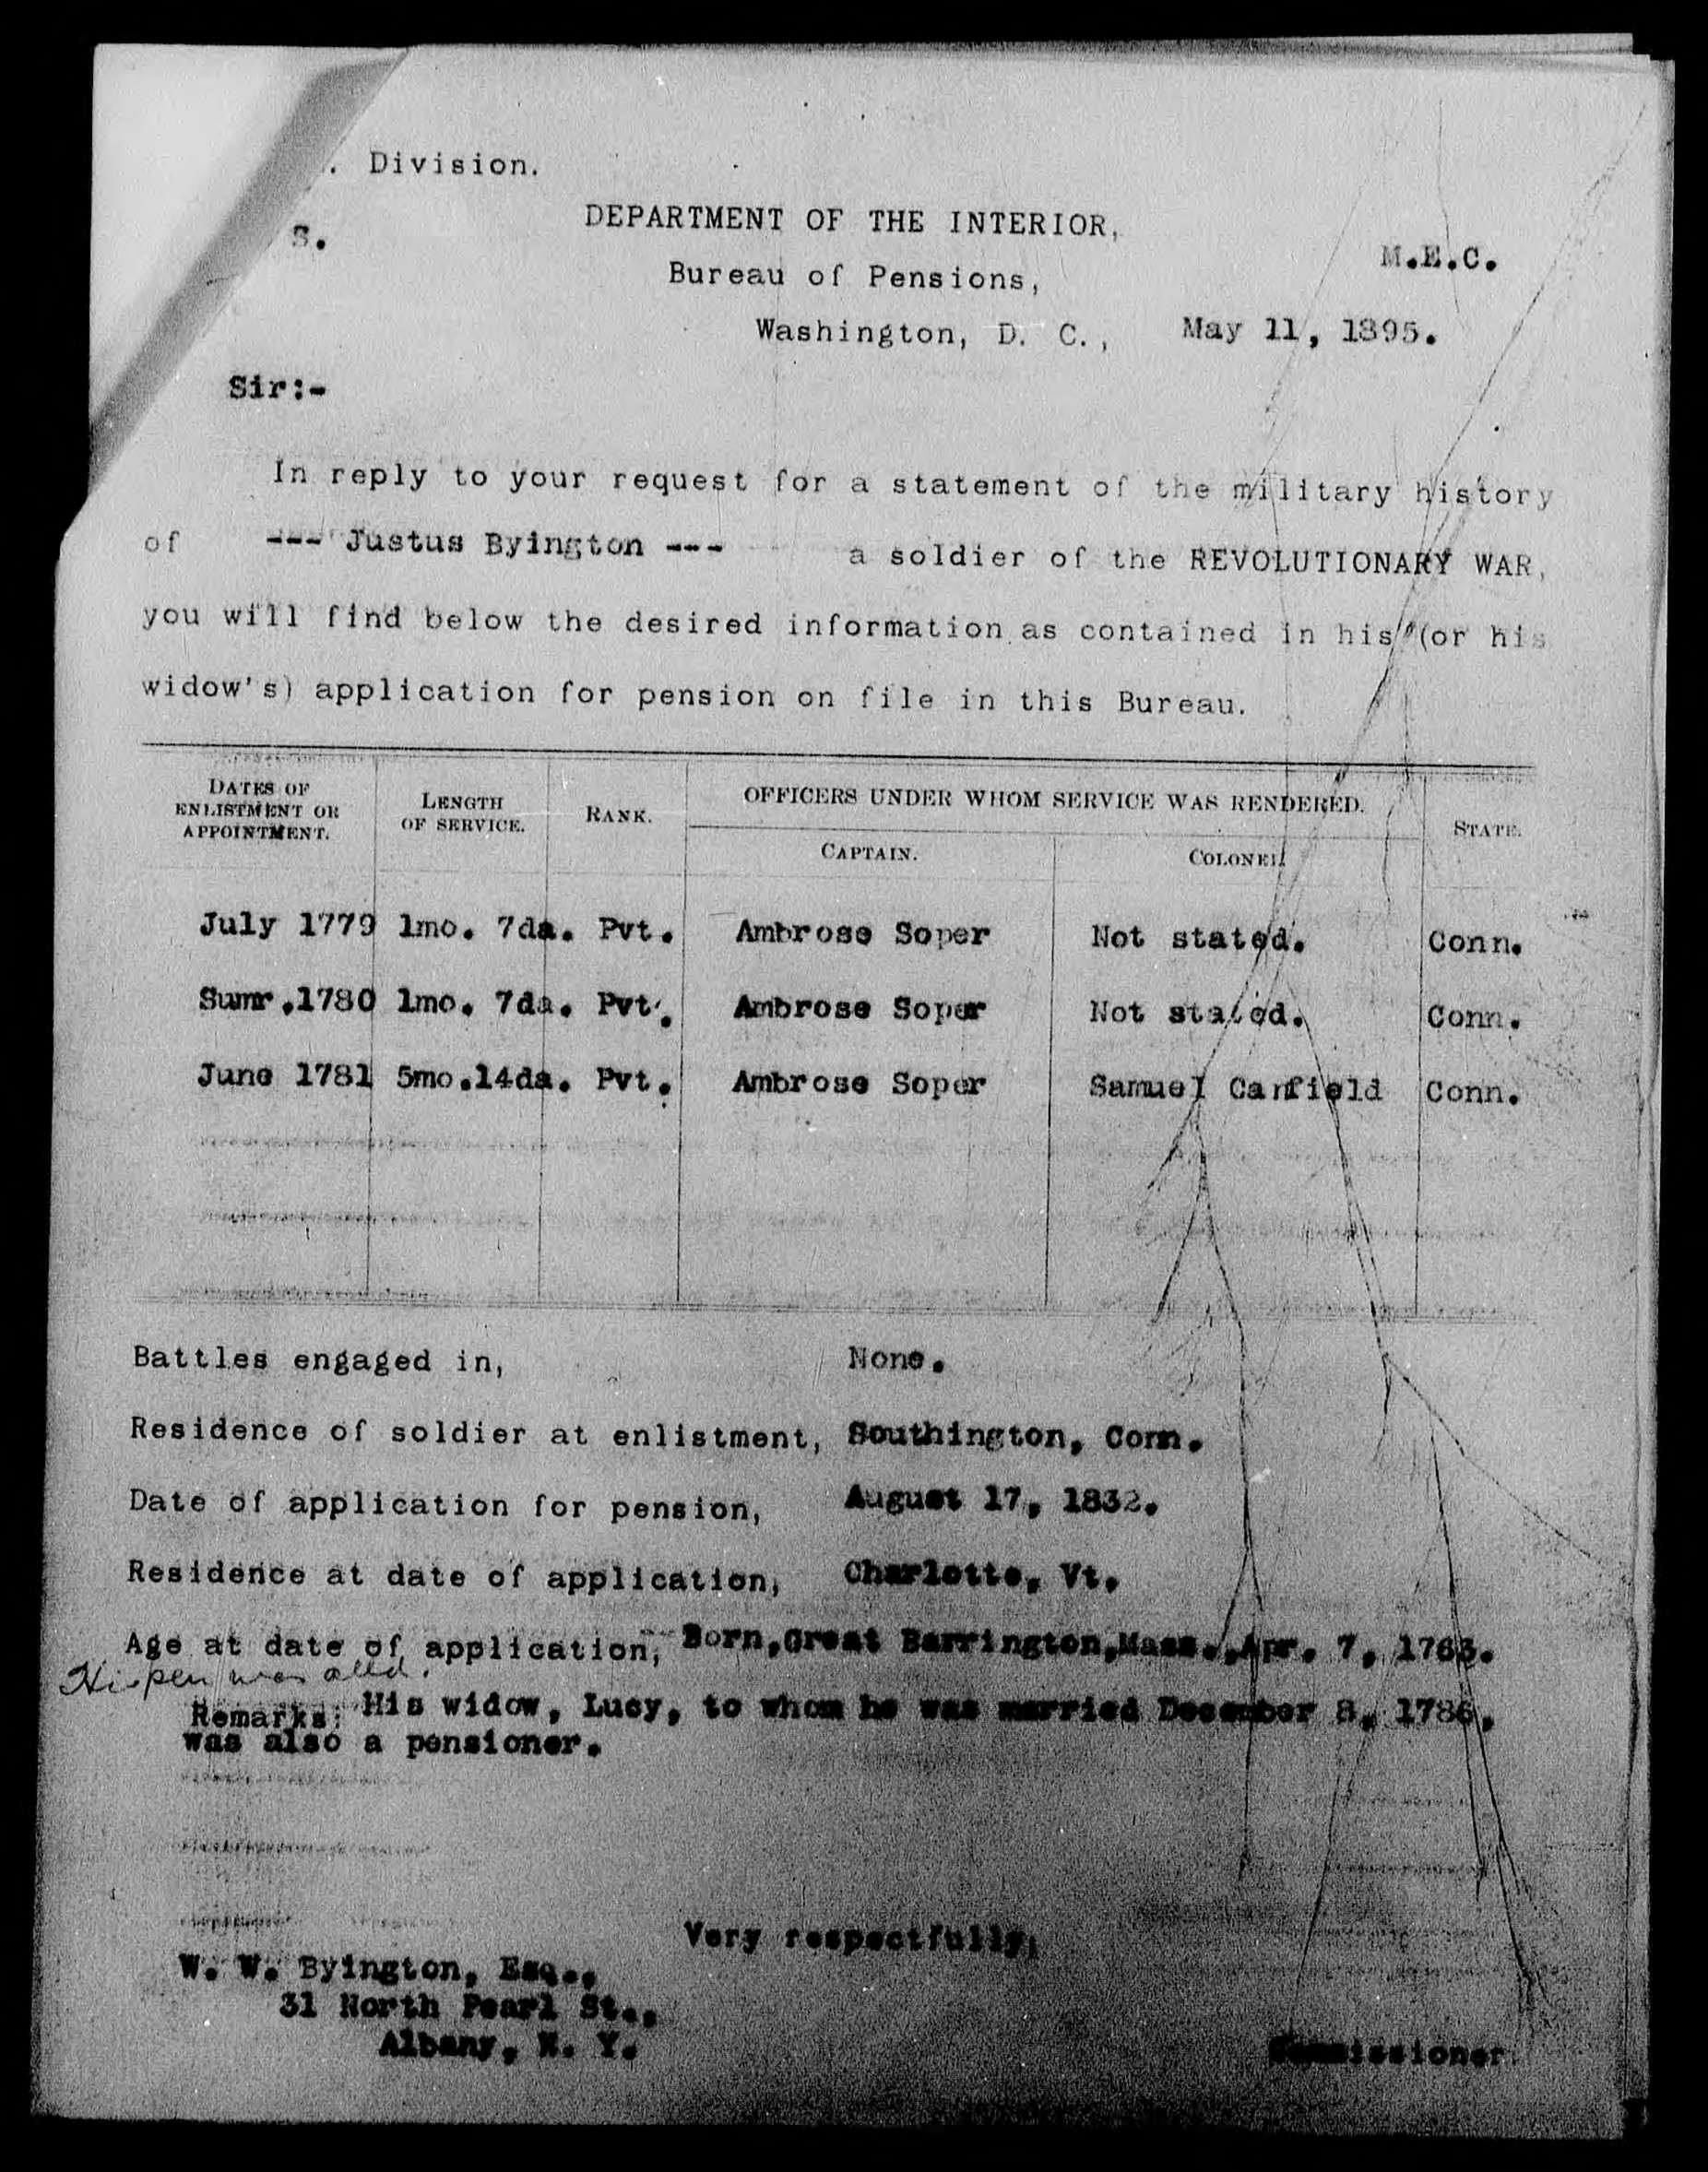Division
DEPARTMENT OF THE INTERIOR
Bureau of Pensions,
Washington, D. C.,

M.E.C.
May 11, 1895

Sir: - 
In reply to your request for a statement of the military history of ---Justus Byington--- a soldier of the REVOLUTIONARY WAR, you will find below the desired information as contained in his (or his widow's) application for pension on file in this Bureau.
[column headings]
DATES OF ENLISTMENT OR APPOINTMENT | LENGTH OF SERVICE. | RANK. | OFFICERS UNDER WHOM SERVICE WAS RENDERED. | STATE.|
July 1779 | 1 mo. 7 da. | Pvt. | Captain Ambrose Soper, Colonel Note Stated. | Conn. |
Sumr. 1780 | 1 mo. 7 da. | Pvt. | Captain Ambrose Soper, Colonel Not stated. | Conn. |
June 1781 | 5 mo. 14 da. | Pvt. | Captain Ambrose Soper, Colonel Samuel Canfield | Conn. |

Battles engaged in, None.
Residence of soldier at enlistment: Southington, Conn.
Date of application for pension: August 17, 1832.
Residence at date of application: Charlotte, Vt.
Age at date of application: Born Great Barrington, Mass. Apr 7, 1763. His pen[sion] was alld [allowed]
Remarks: His widow, Lucy, to whom he was married December 8, 1786, was also a pensioner.

Very respectfully,
Commissioner

W. W. Byington, Esq.,
31 North Pearl St
Albany, N.Y.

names: W W Byington, Lucy, Justus Byington, Ambrose Soper, Ambrose Soper, Samuel Canfield, Ambrose Soper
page: 79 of 79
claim: widow's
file: W. 23754, Justus Byington, Conn.